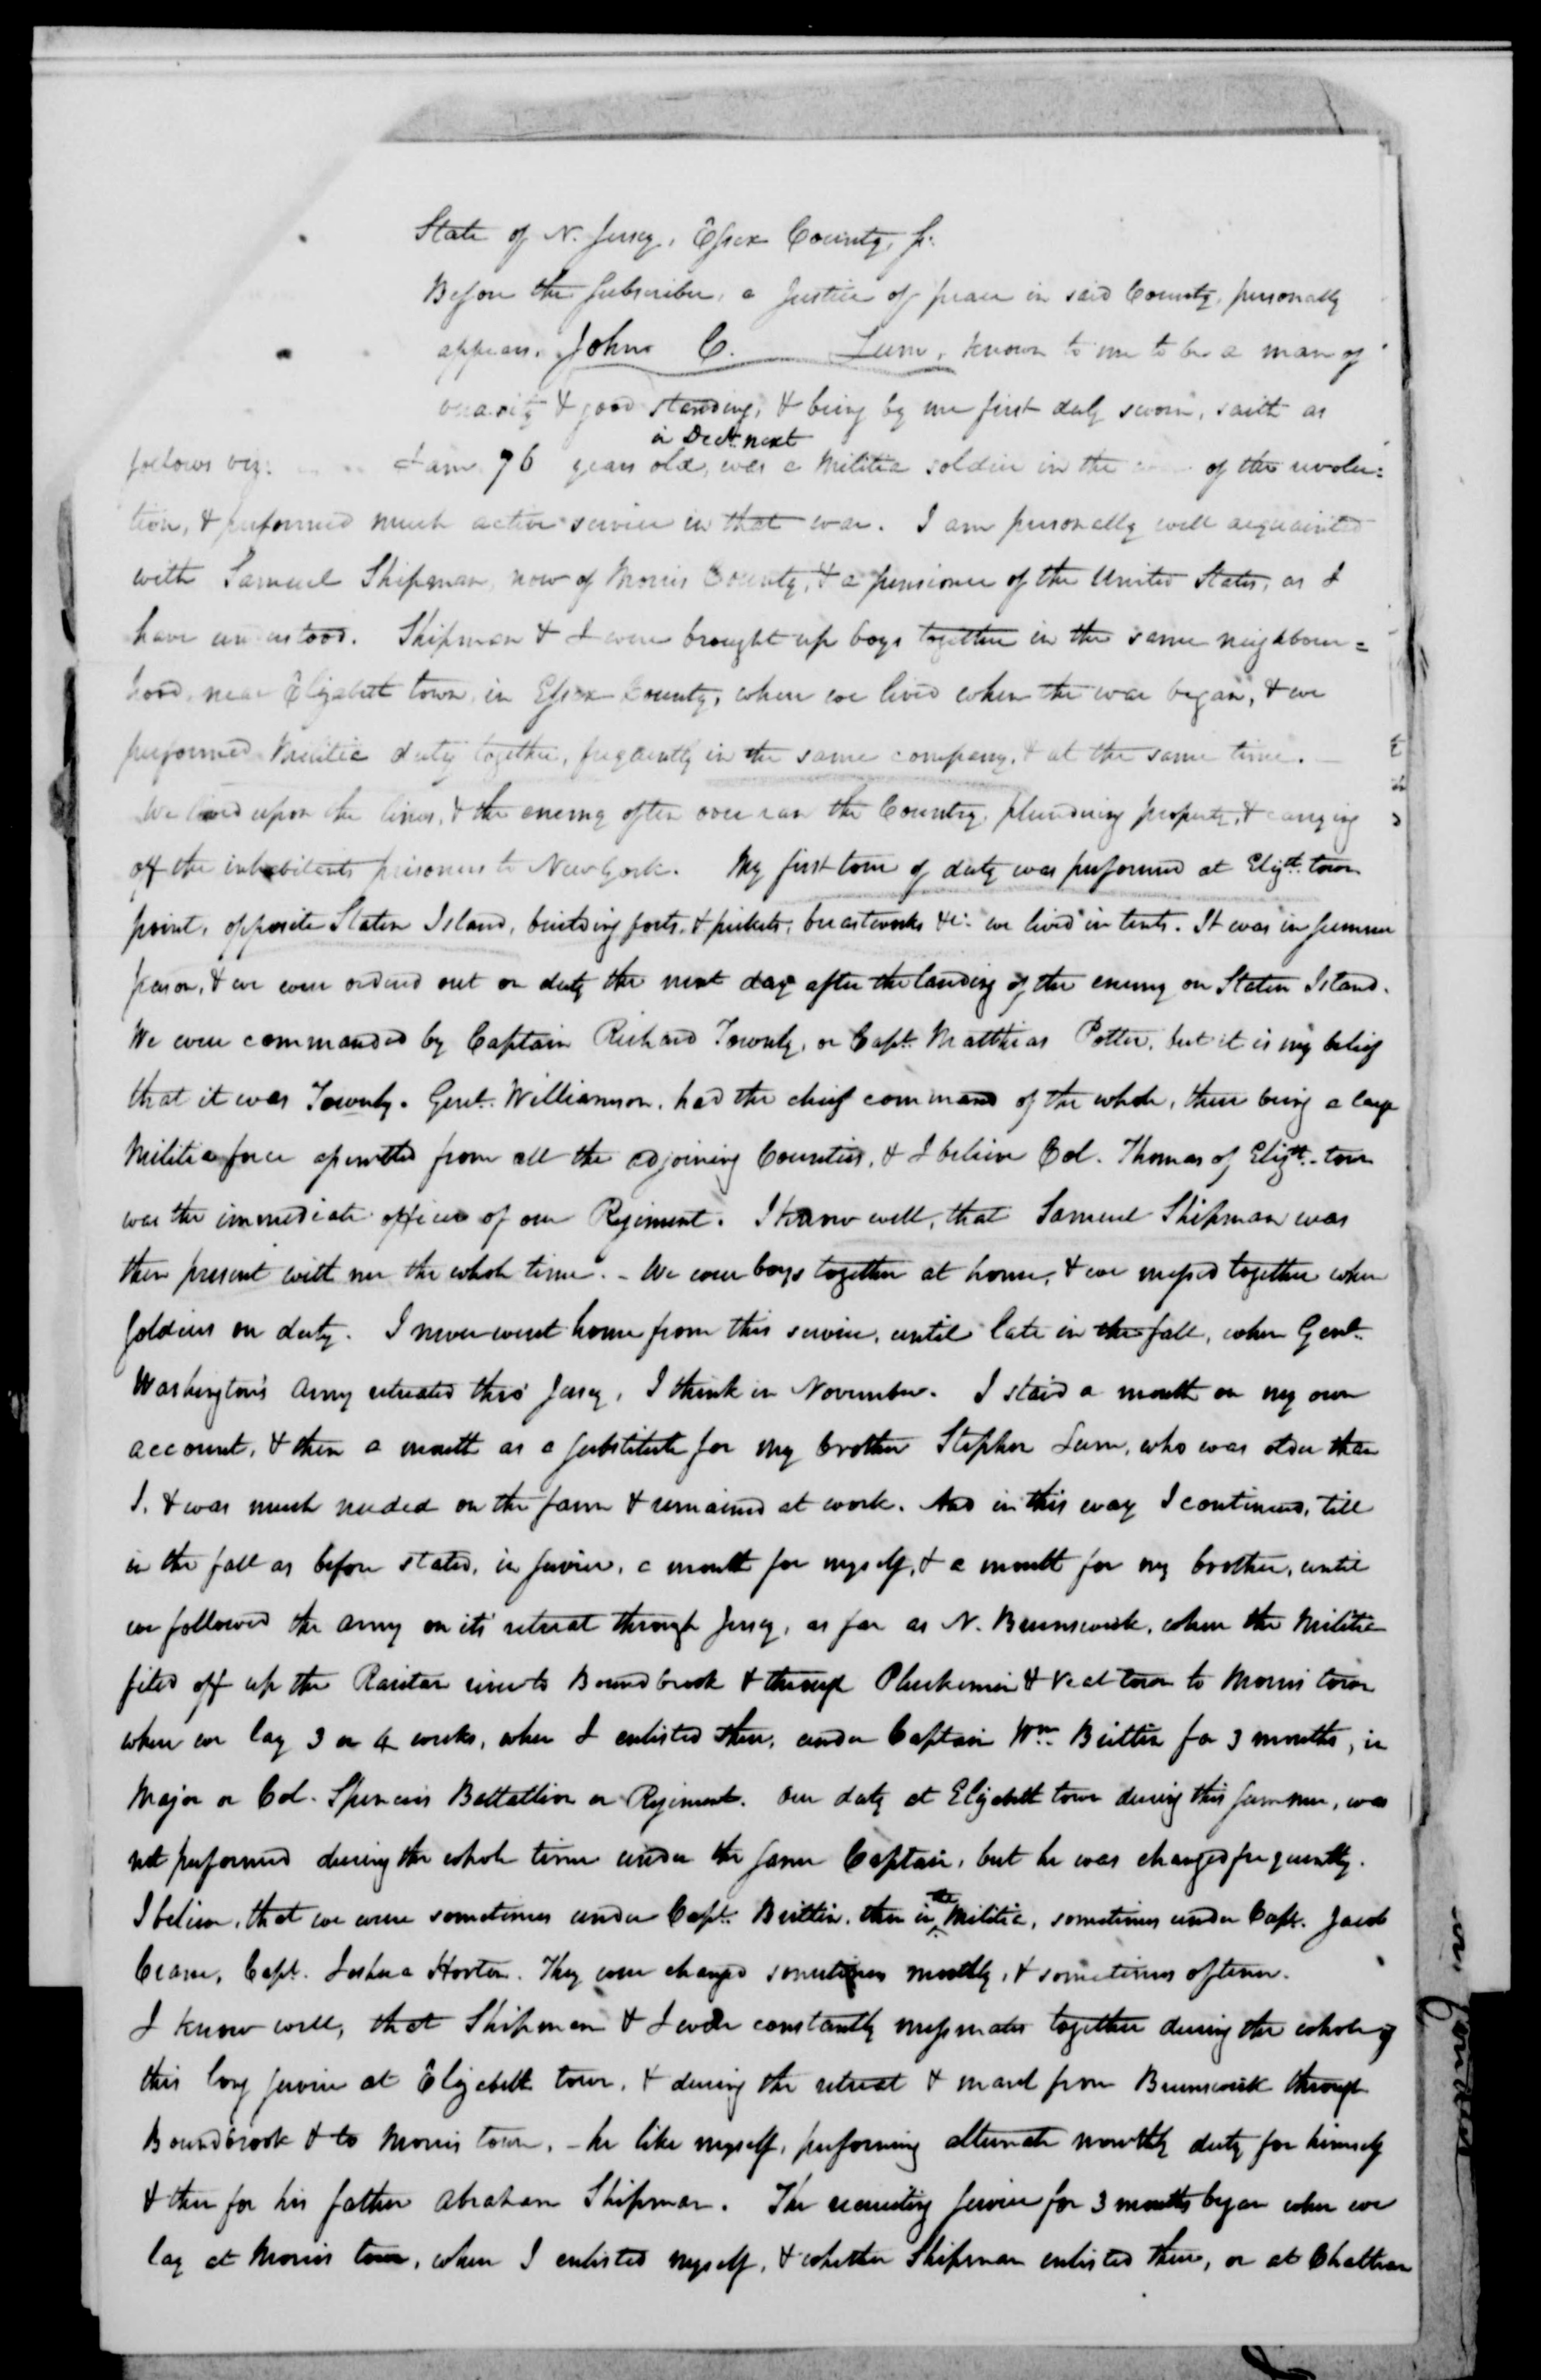State of N. Jersey, Essex County SS.
Before the subscriber, a Justice of peace in said County, personally appears John C. Lum, known to me to be a man of charity & good standing & being by me first duly sworn, saith as follows viz:  I am 76 years old in Dec. next, was a militia soldier in the war of the revolution, & performed much active service in that war. I am personally well acquainted with Samuel Shipman now of Morris County, & a pensioner of the United States, as I have unstood. Shipman & I were brought up boys together in the same neighbourhood near Elizabeth town in Essex County, where we lived when the war began; & we performed militia duty together, frequently in the same company, & at the same time.  We laid upon the lines, & the enemy often over ran the Country plundering property, & carrying
off the inhabitants prisoners to New York. My first tour of duty was performed at Eliza town
point, opposite Staten Island, building forts & pickets, breastworks &c. we lived in tents. It was in summer season & we were ordered out on duty the next day after the landing of the enemy on Staten Island.  We were commanded by Captain Richard Townly, or Capt Matthias Potter, but it is my belief that it was Townly. Genl Williamson, had the chief command of the whole, there being a large Militia force opened from all the adjoining counties, & I believe Col. Thomas of Elizth. town was the immediate officer of our Regiment. I know well, that Samuel Shipman was then present with me the whole time. We come boys together at home, & we messed together when soldiers on duty. I never went home from this service until late in the fall, when Genl. Washington's army retreated through Jersey, I think in November. I staid a month on my own account, & then a month as a substitute for my brother Stephen Lum, who was older than I, & was much needed on the farm & remained at work. And in this way I continued, till in the fall as before stated, in service, a month for myself & a month for my brother, until we followed the army on its retreat through Jersey, as far as N. Brunswick, when the Militia filed off up the Raritan into Bound brook & through Pluckemin & Veal town to Morristown where we lay 3 or 4 weeks, when I enlisted there, under Captain Wm. Brittin for 3 months, in Major or Col. Spencer's Battalion or Regiment. Our duty at Elizabeth town during this summer, was not performed during the whole time under the same Captain, but he was charged frequently.  I believe, that we were sometimes under Capt Britten, then in the Militia, sometimes under Capt. Jacob Crane, Capt. Joshua Horton. They were changed sometimes monthly, & sometimes oftener.  
I know well, that Shipman & I were constantly messmates together during the whole of this long service at Elizabeth town, & during the retreat & march from Brunswick through
Boundbrook & to Morristown.- he like myself, performing alternate months duty for himself
& then for his father Abraham Shipman. The scouting service for 3 months began when we
lay at Morris town, where I enlisted myself, & whether Shipman enlisted there, or at Chatham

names: [BLANK] Shipman; Samuel Shipman; Wm Brittin; [BLANK] Shipman; Matthias Potter; [BLANK] Thomas; Abraham Shipman; Joshua Horton; [BLANK] Shipman; [BLANK] Williamson; Stephen Lum; Jacob Crane; Samuel Shipman; John C Lum; Richard Townly; [BLANK] Brittin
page: 38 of 44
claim: survivor's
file: S. 912, for Samuel Shipman, New Jersey